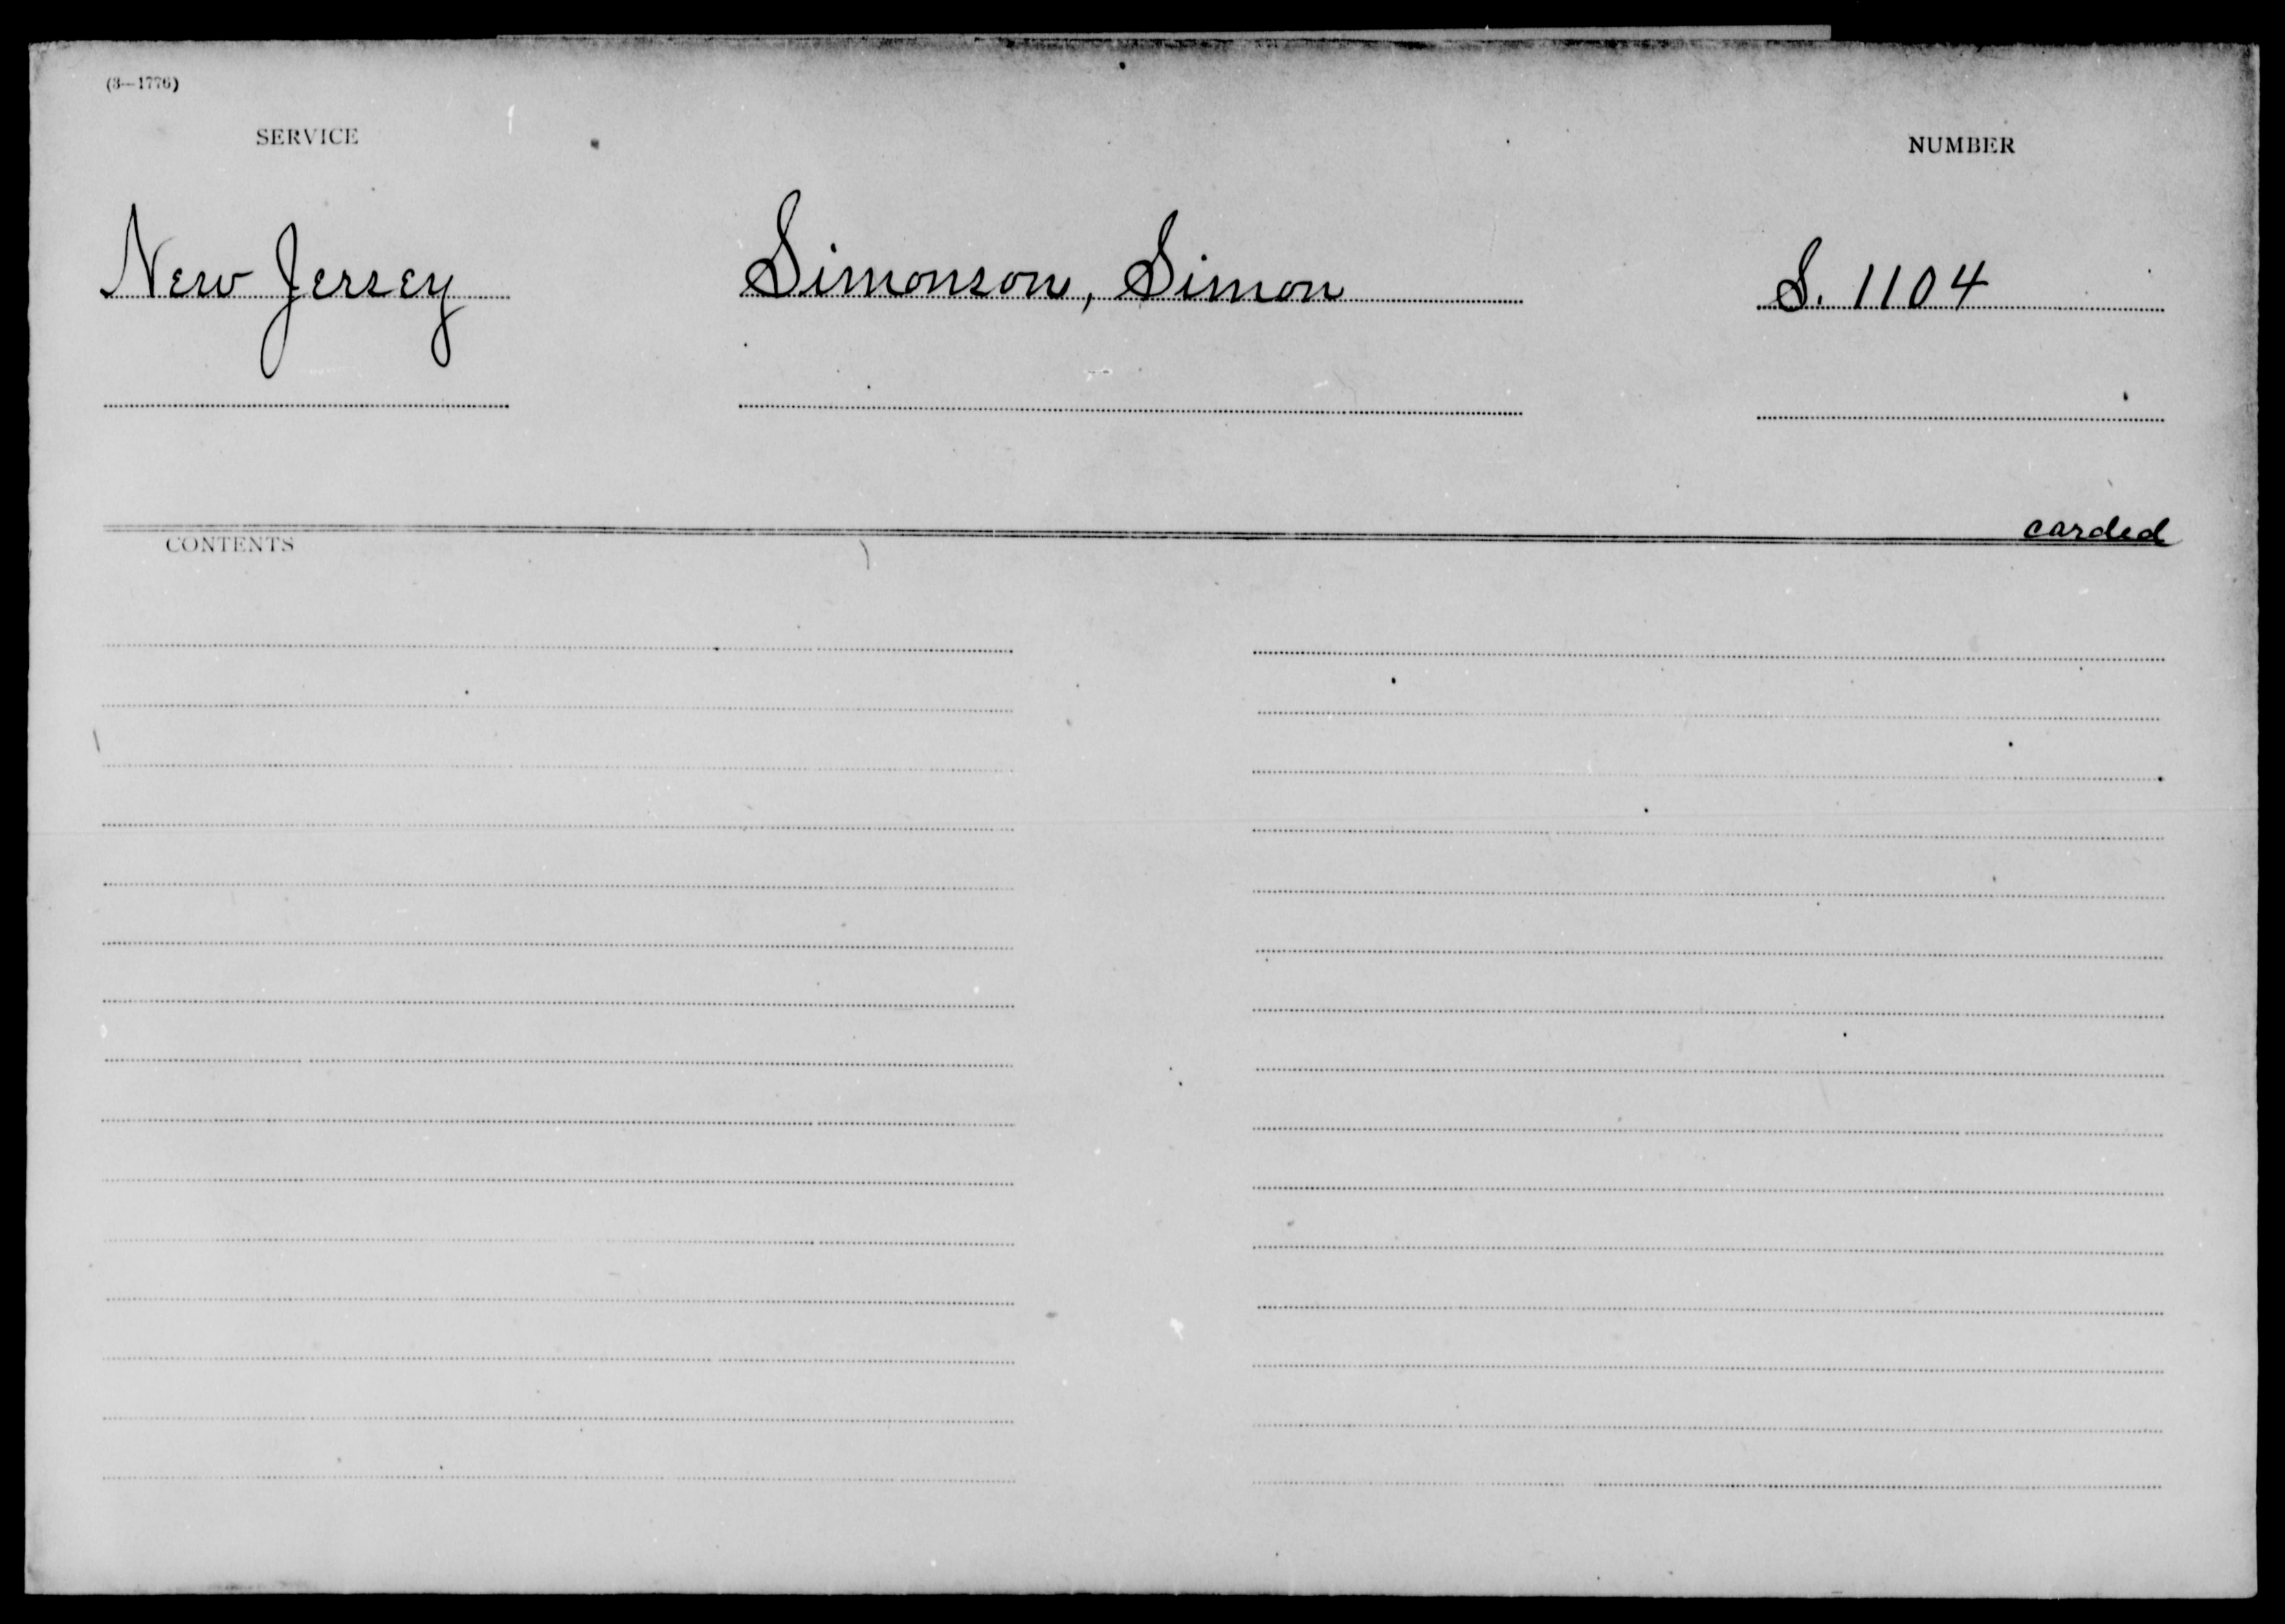Service Number
New Jersey Simonson, Simon S.1104
carded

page: 1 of 30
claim: survivor's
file: S. 1104, for Simon Simonson, New Jersey